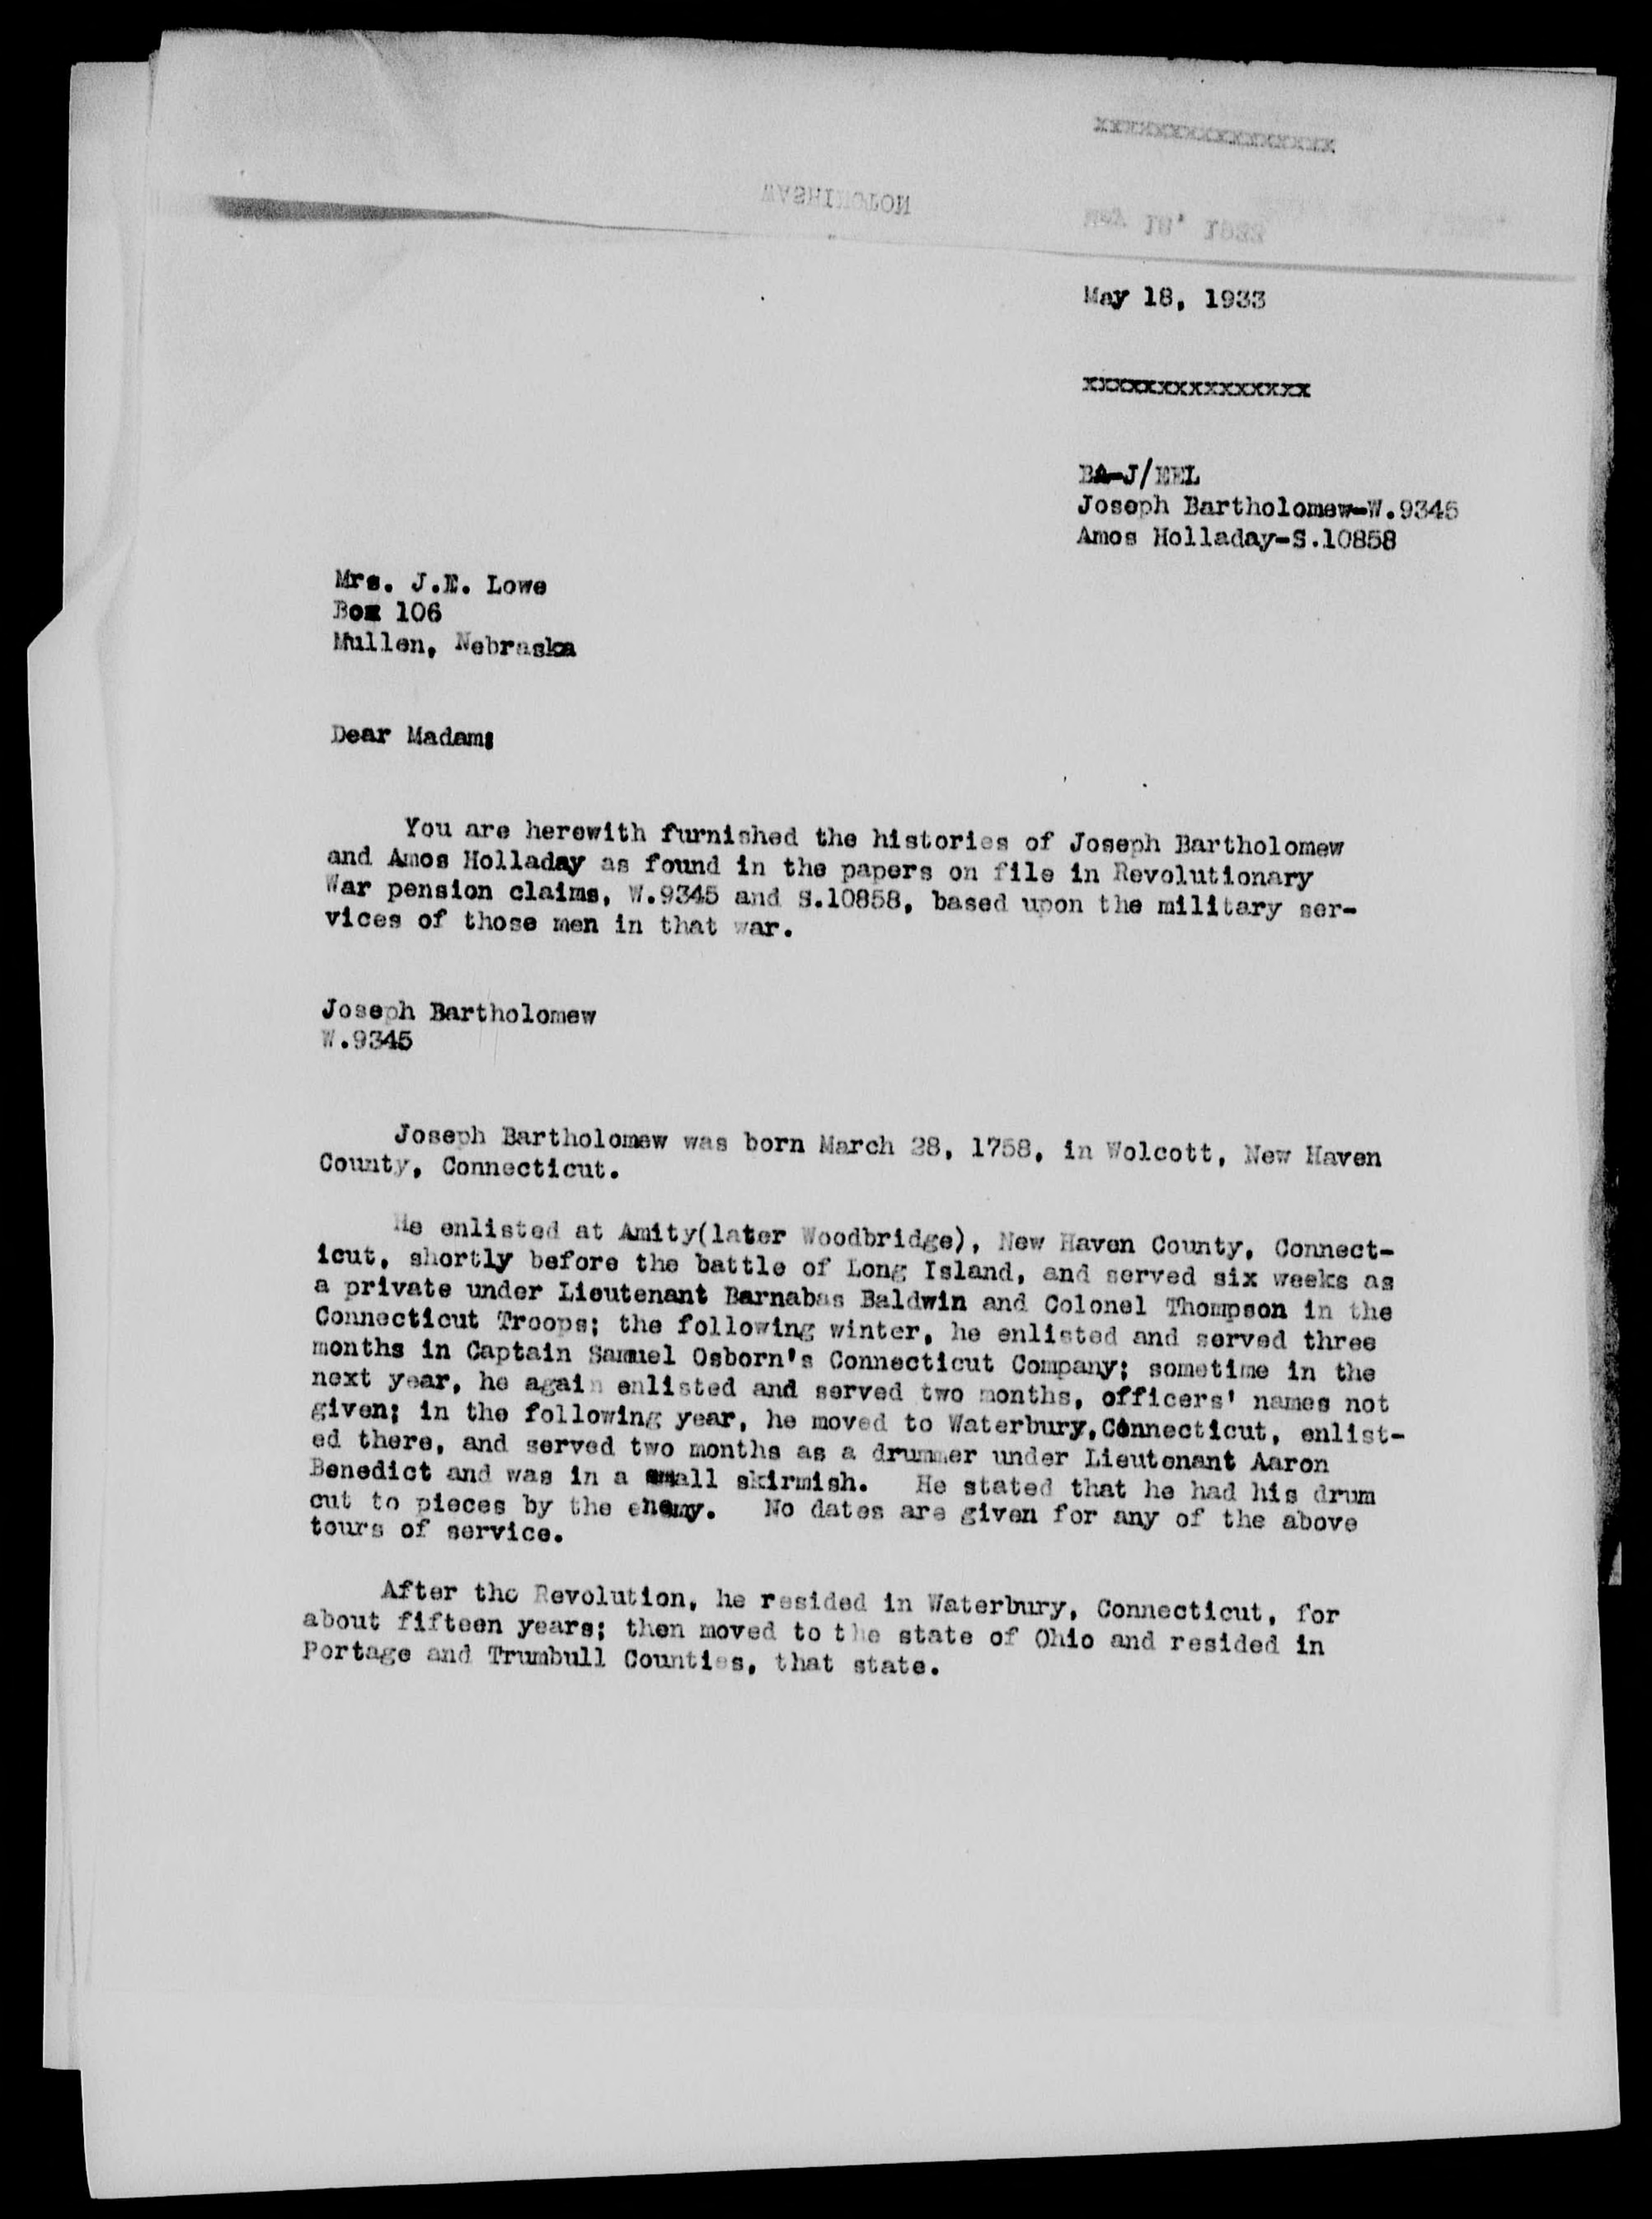May 18, 1933
                                              XXXXXXXXXXXXXXX
                                              BA-J/EEL
                                              Joseph Bartholomew W. 9345
                                              Amos Holladay-S.10858
Mrs. J. E. Lowe
Box 106
Mullen, Nebraska
Dear Madam:
You are herewith furnished the histories of Joseph Bartholomew
and Amos Holladay as found in the papers on file in Revolutionary War
pension claims, W.9345 and S.10858, based upon the military 
services of those men in that war.

Joseph Bartholomew
W. 9345
Joseph Bartholomew was born March 28, 1758, in Wolcott, New Haven County, Connecticut.
He enlisted at Amity (later Woodbridge), New Haven County, Connecticut shortly before the battle of Long Island, and served six weeks as a private under Lieutenant Barnabas Baldwin and Colonel Thompson in the Connecticut Troops; the following winter, he enlisted and served three months in Captain Samuel Osborn's Connecticut Company; sometime in the next year, he again enlisted and served two months, officers' names not
given in the following year, he moved to Waterbury, Connecticut, enlisted there, and served two months as a drummer under Lieutenant Aaron Benedict and was in a small skirmish. He stated that he had his drum cut to pieces by the enemy. No dates are given for any of the above tours of service.
After the Revolution, he resided in Waterbury, Connecticut, for
about fifteen years; then moved to the state of Ohio and resided in Portage and Trumbull Counties, that state.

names: Joseph Bartholomew, Joseph Bartholomew, Thompson, J E Lowe, Aaron Benedict, Barnabas Baldwin, Joseph Bartholomew, Joseph Bartholomew, Amos Holladay, Amos Holladay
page: 72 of 76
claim: widow's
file: W. 9345, Joseph Bartholomew, Conn.